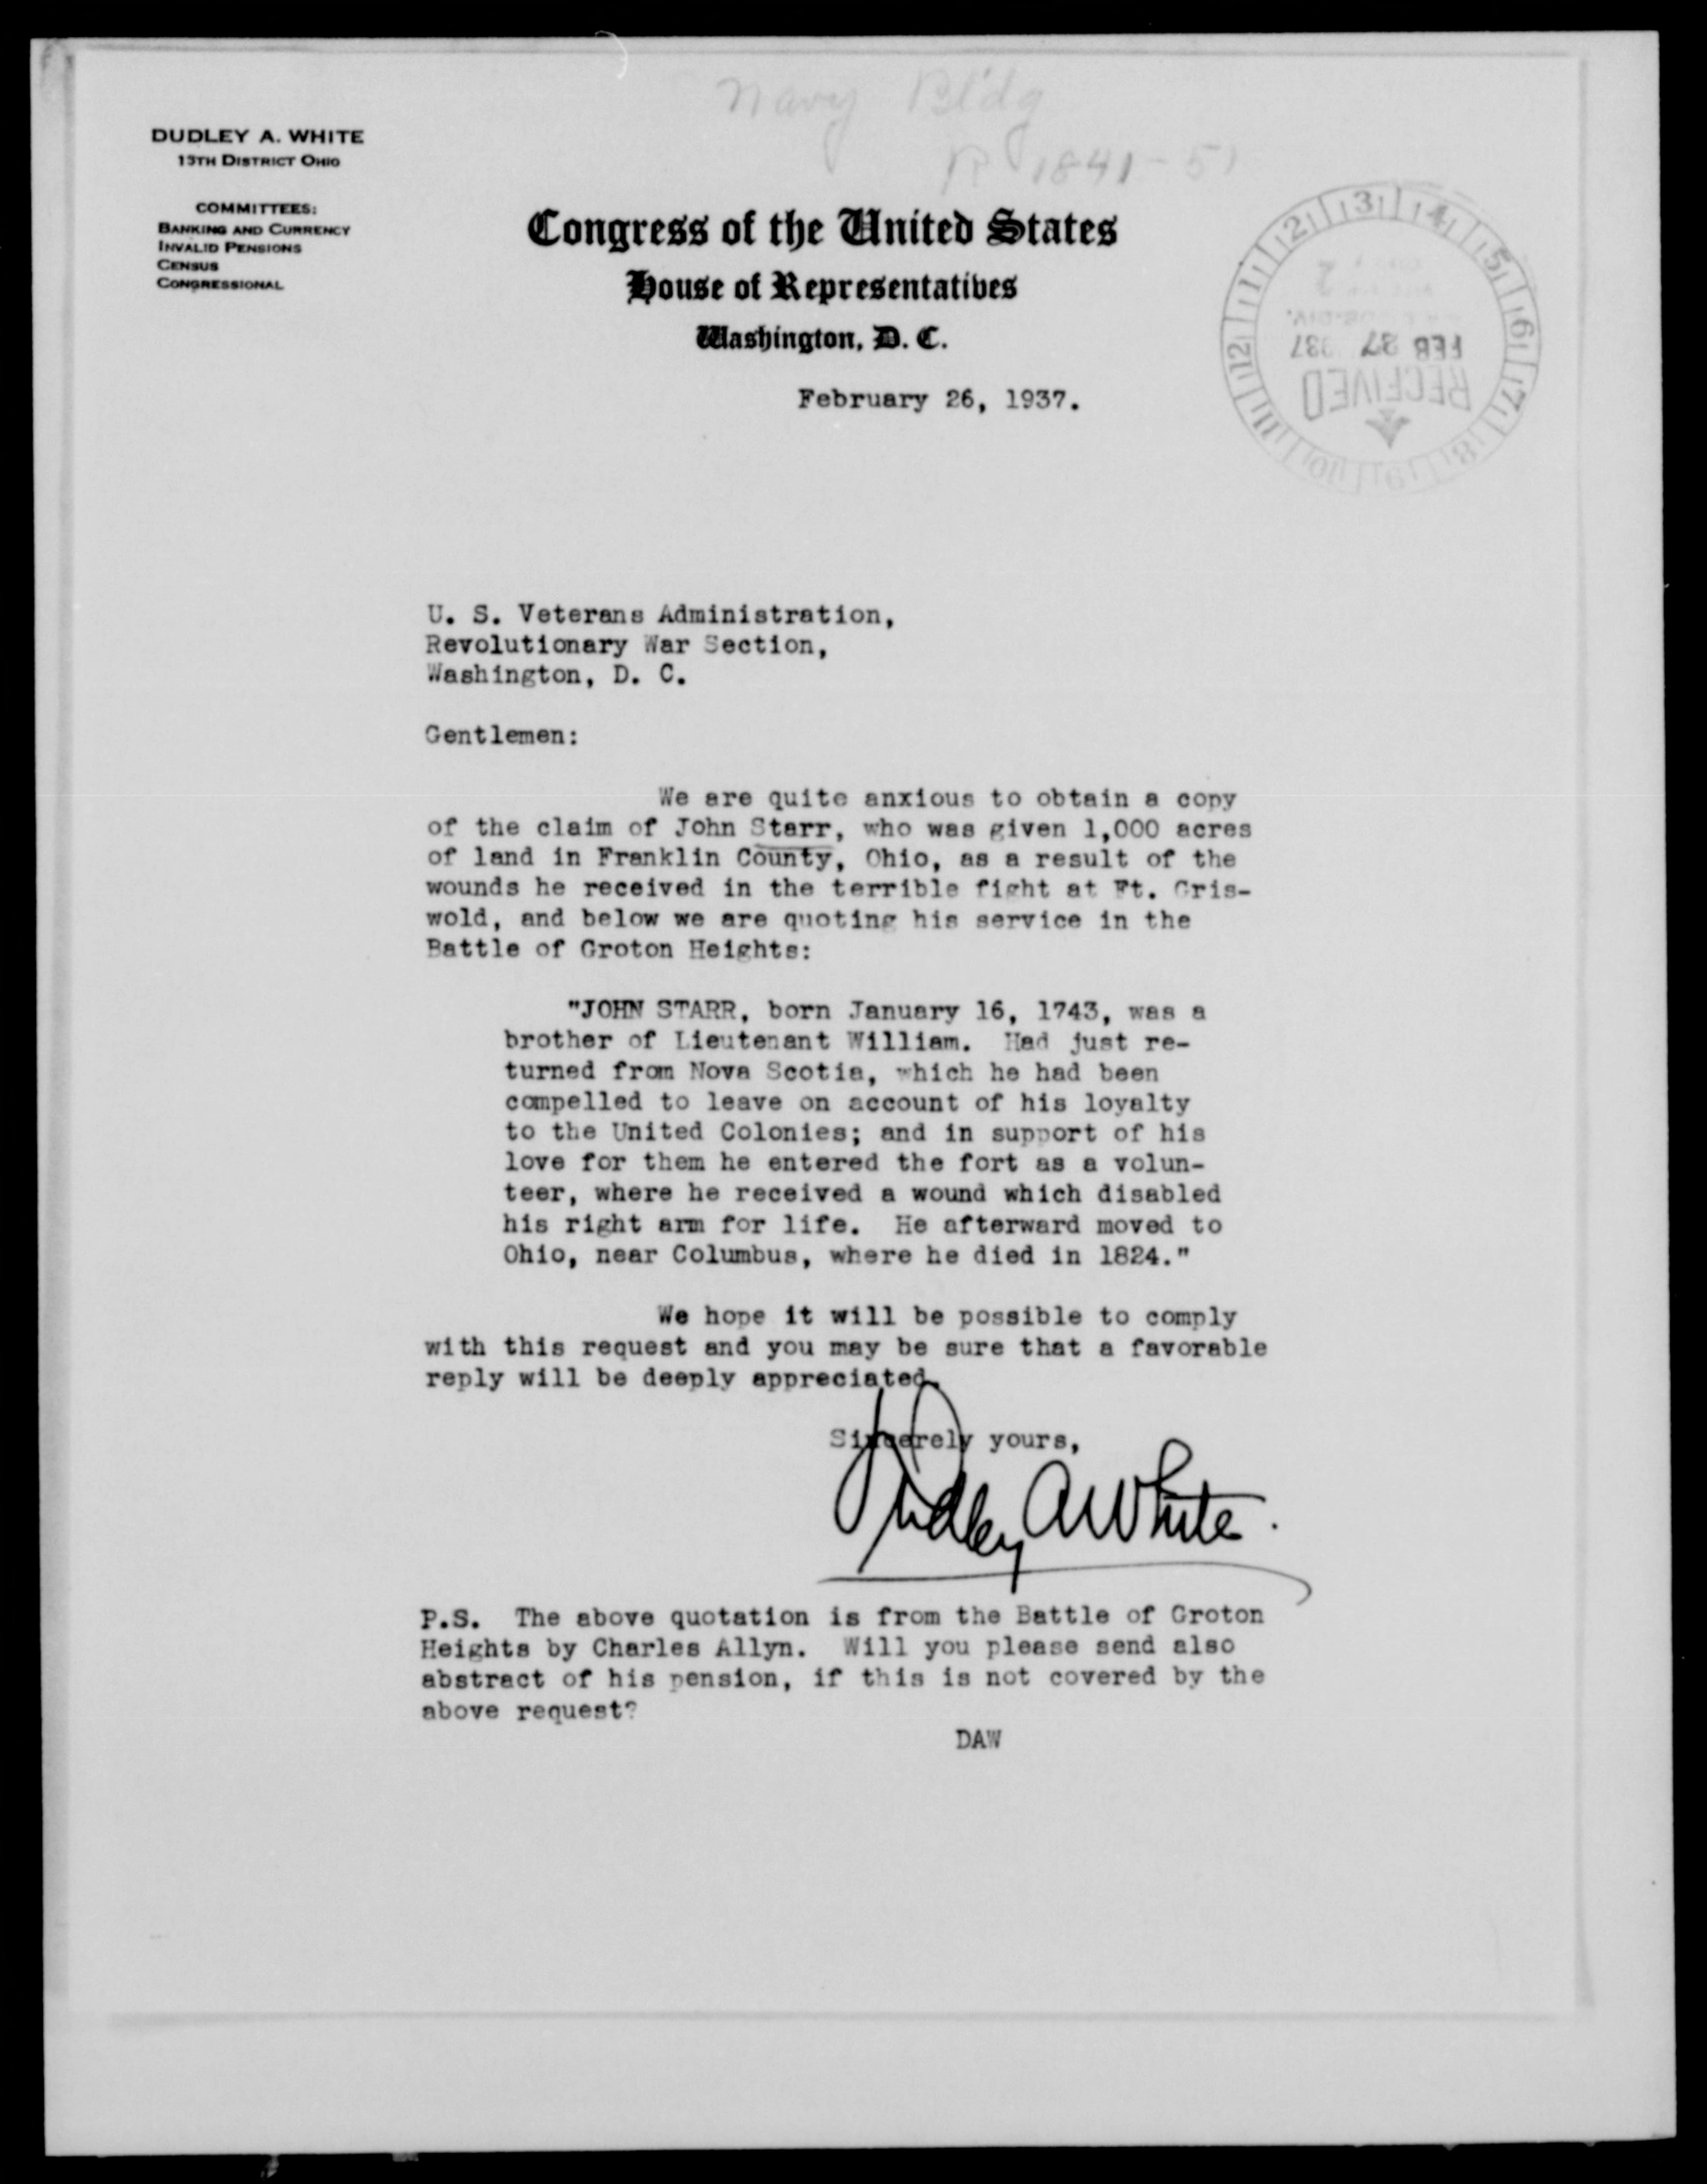Navy Bl'dg
R 1841 - 51
DUDLEY A. WHITE
15TH DISTRICT OHIO
COMMITTEES:
BARRIED AND CURRENCY
INVALID PENSIONS
CENSUS
CONGRESSIONAL

Congress of the United States
House of Representatives
Washington, D.C.
February 26, 1937.

U. S. Veterans Administration,
Revolutionary War Section,
Washington, D. C.

Gentlemen:
We are quite anxious to obtain a copy
of the claim of John Starr, who was given 1,000 acres
of land in Franklin County, Ohio, as a result of the
wounds he received in the terrible fight at Ft. Gris-
wold, and below we are quoting his service in the
Battle of Groton Heights:

"JOHN STARR, born January 16, 1743, was a
brother of Lieutenant William. Had just returned
from Nova Scotia, which he had been
compelled to leave on account of his loyalty
to the United Colonies; and in support of his
love for them he entered the fort as a volun-
teer, where he received a wound which disabled
his right arm for life. He afterward moved to
Ohio, near Columbus, where he died in 1824."
We hope it will be possible to comply
with this request and you may be sure that a favorable
reply will be deeply appreciated.
Sincerely yours,
Dudley A White
P.S. The above quotation is from the Battle of Groton
Heights by Charles Allyn. Will you please send also
abstract of his pension, if this is not covered by the
above request
DAW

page: 2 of 7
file: for John Starr, Connecticut